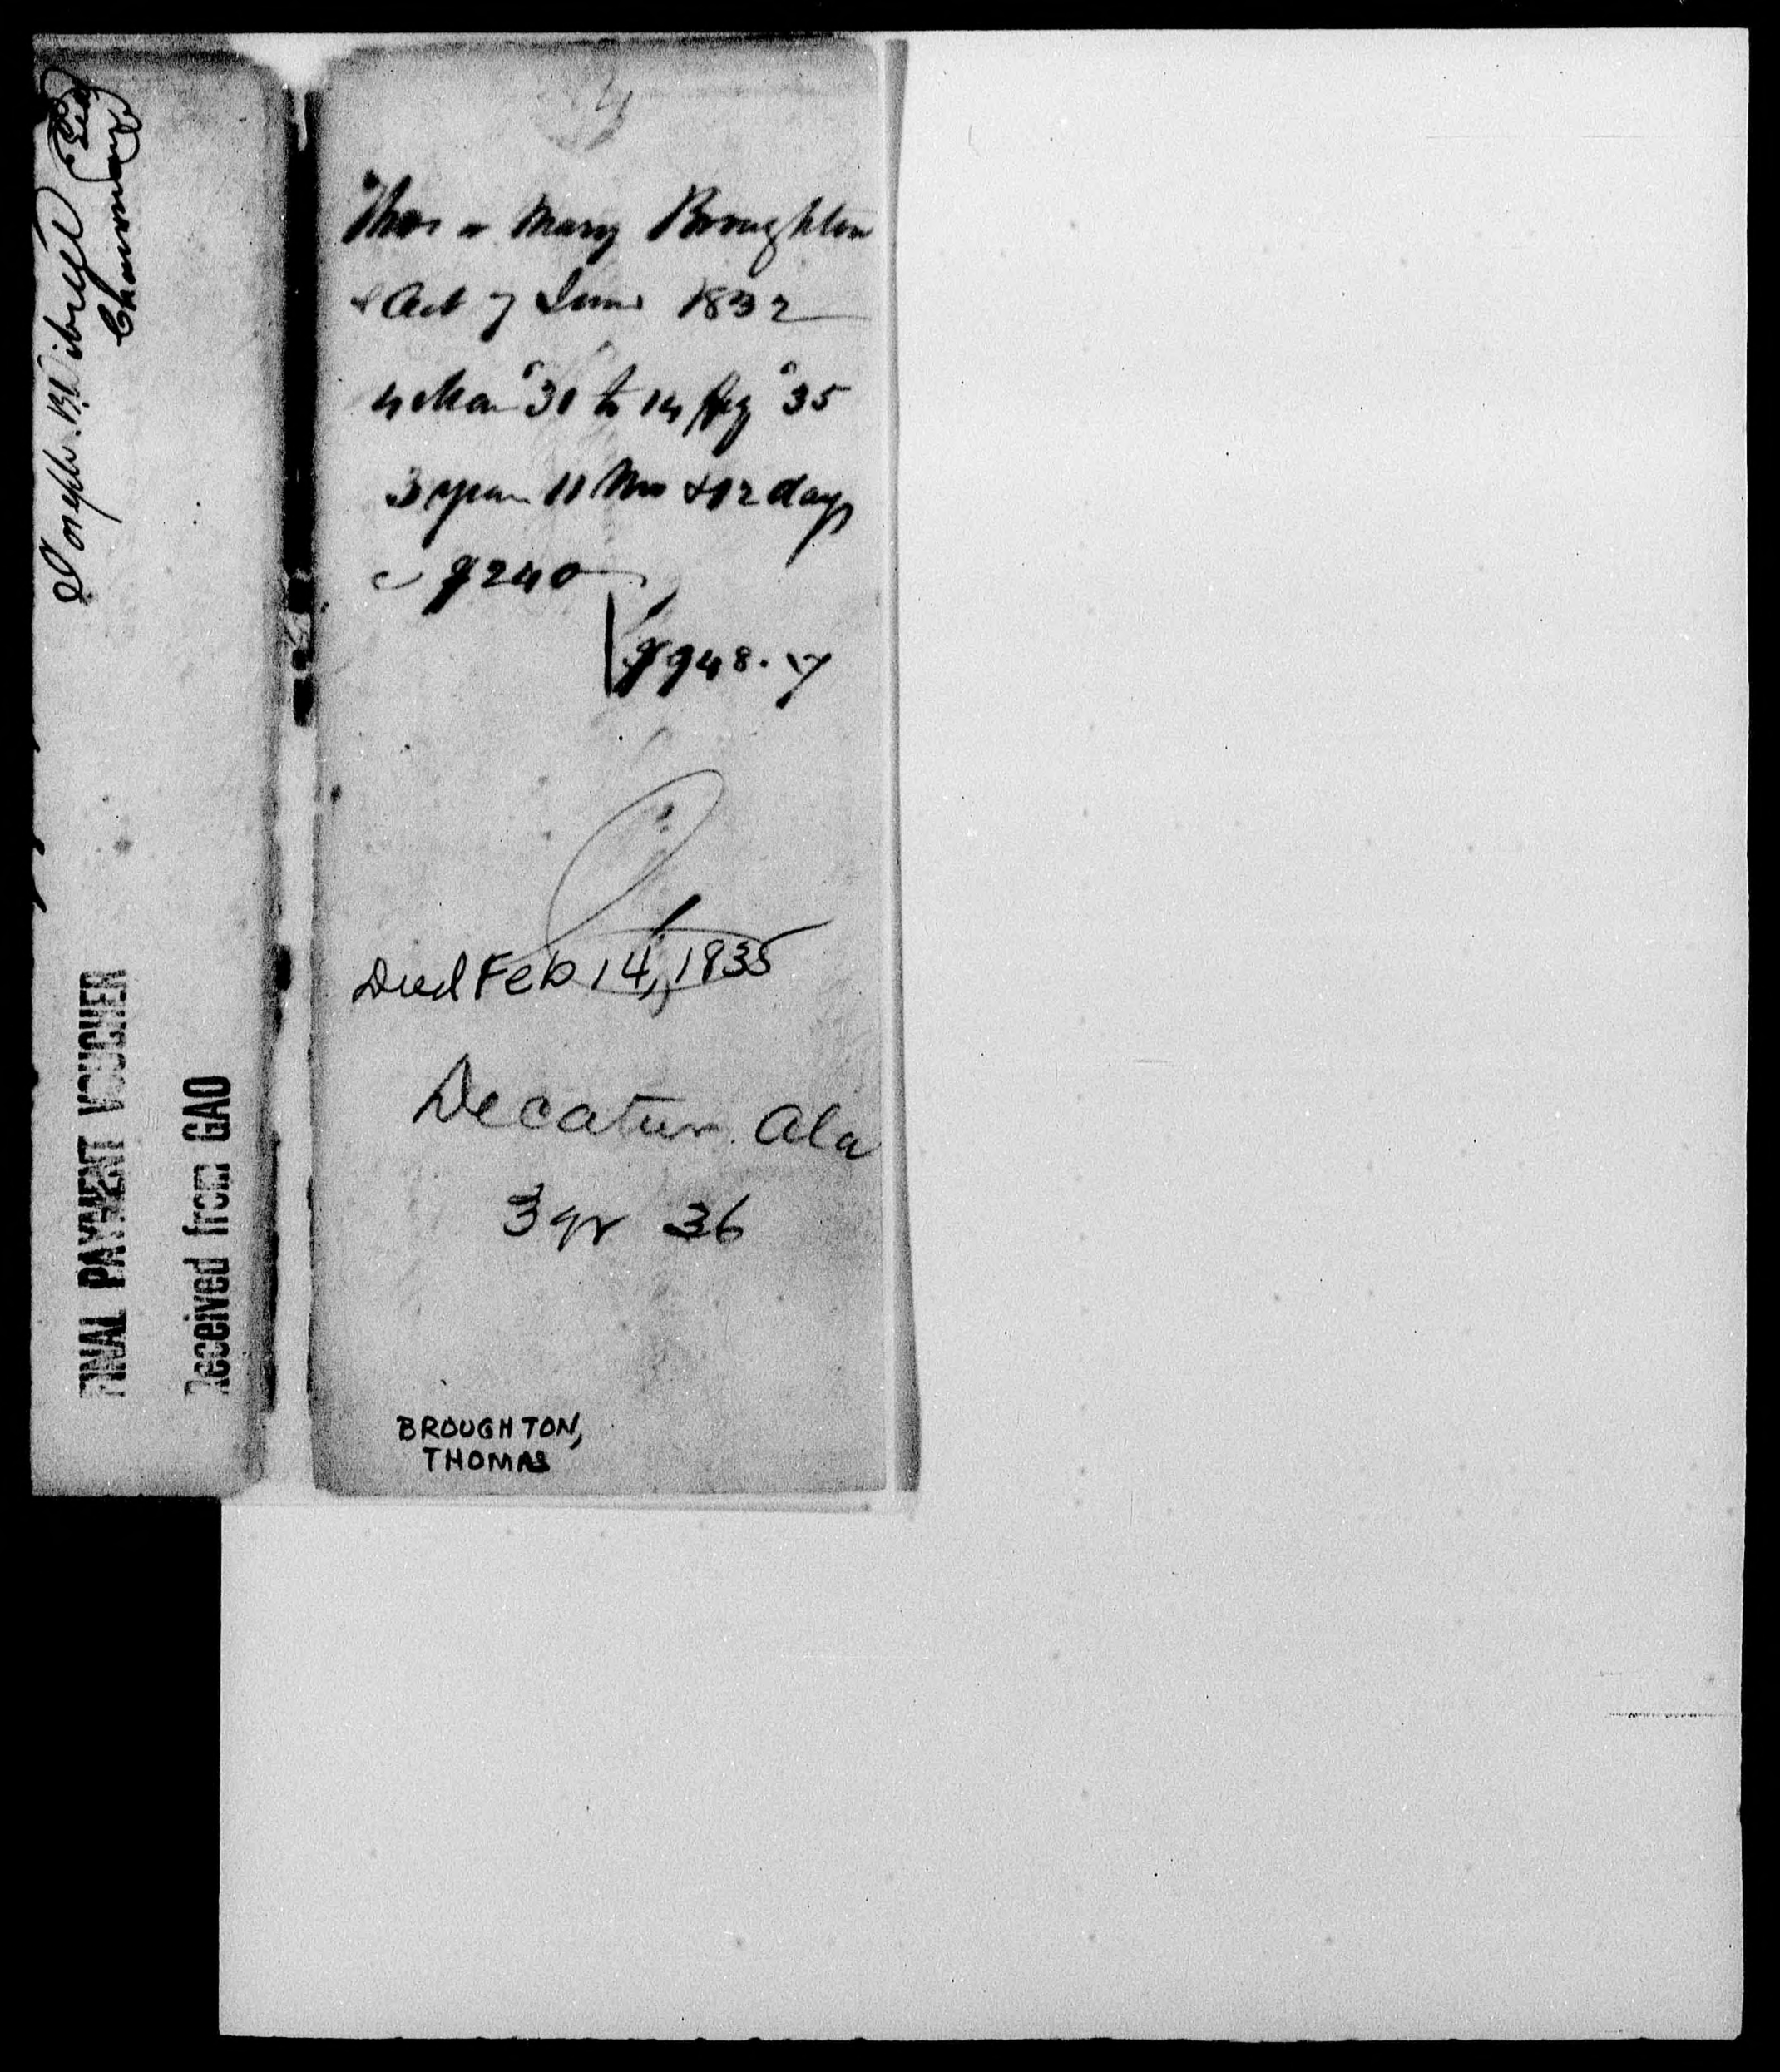[top left corner - text illegible]

FINAL PAYMENT VOUCHER
Received from GAO

Thos  "  Mary Broughton
& Act 7 June 1832
[illegible] '30 to 14 [illegible] '35
3 years 11 Mos & 12 days
$240
$948.  [illegible]

[illegible]

Died Feb 14 1835
Decatur Ala

3yr 36

BROUGHTON,
THOMAS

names: Mary Broughton, Thomas Broughton, Thos Broughton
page: 33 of 72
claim: widow's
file: W. 897, Thomas Broughton, S.C.